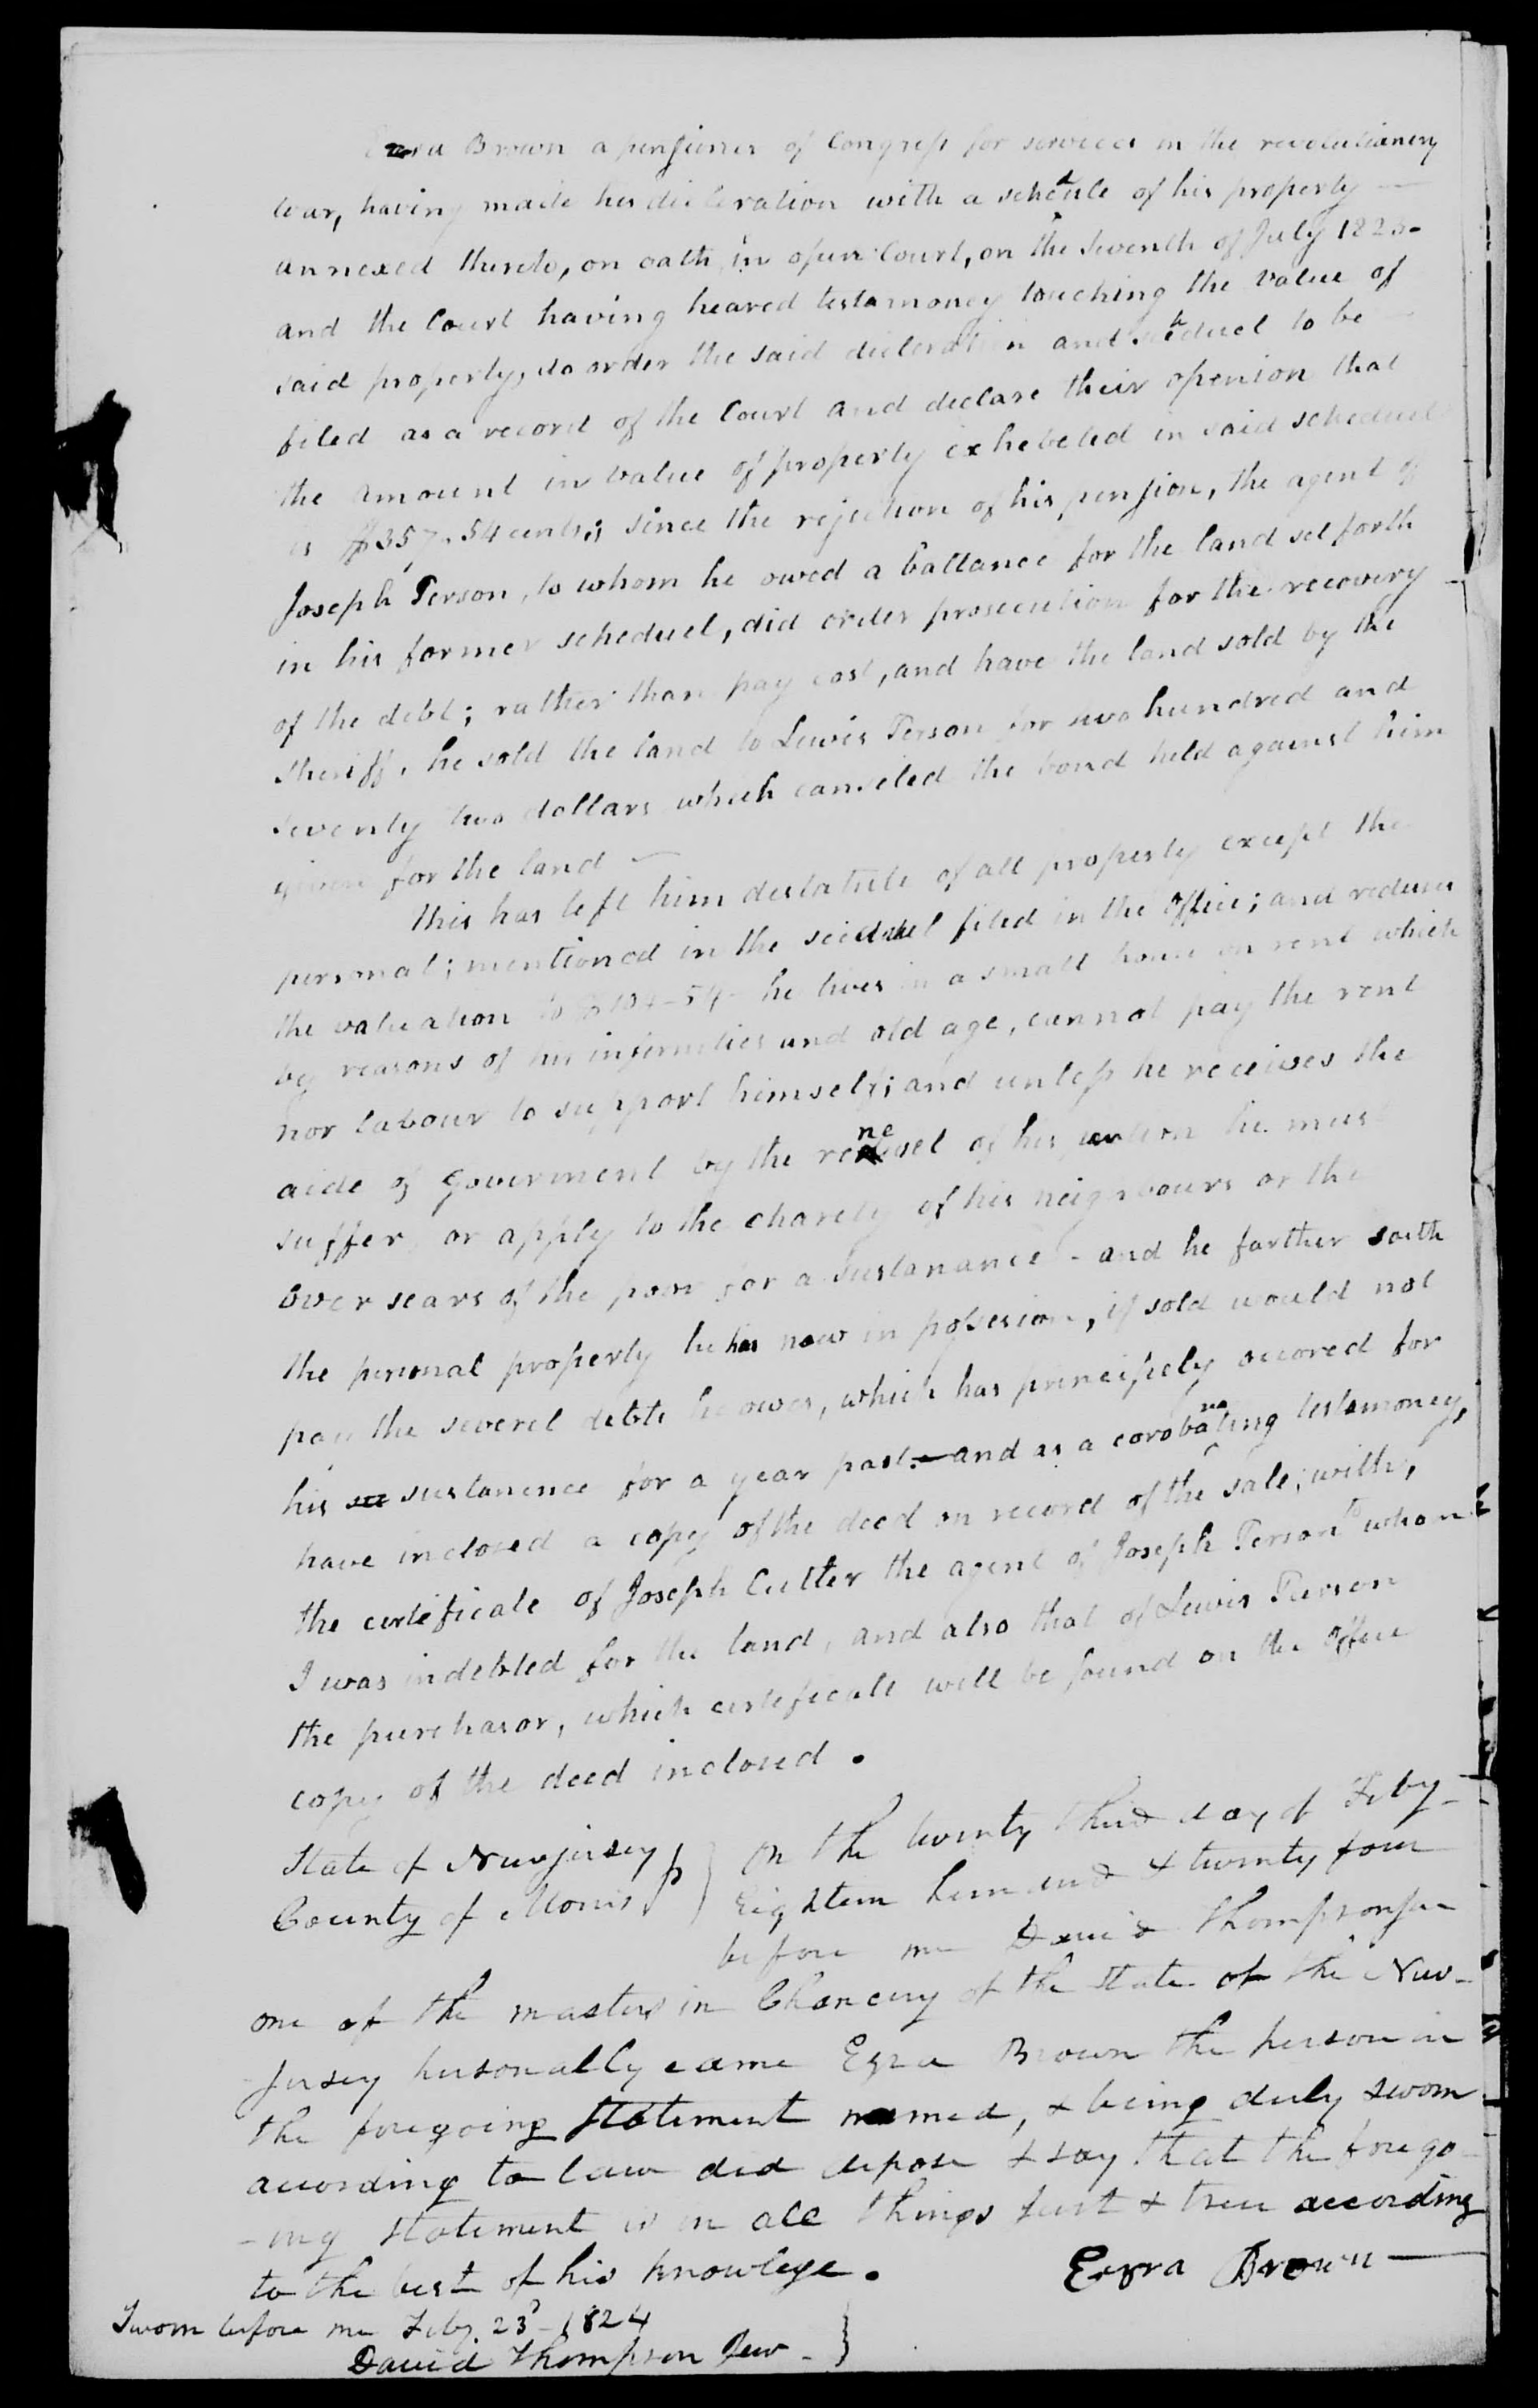Ezra Brown a pensioner of Congress for services in the revolutionary war, having made her declaration with a schedule of his property-- annexed thereto, on oath in open Court, on the Seventh of July 1823 and the Court having heared testamony [heard testimony] touching the value of said property, do order the said declaration and schedule to be filed as a record of the Court and declare their opinion that the
amount in value of property exhibited in said Schedule is  $357.54; since the rejection of his pension, the agent of Joseph Pierson, to whom he owed a ballance [balance] for the land set forth in his former scheduel, [schedule] did order prosecution for the recovery of the debt; rather than pay cost, and have the land sold by the Sheriff, he sold the land to Lewis Pierson for two hundred and seventy two dollars which canceled the bond held against him given for the land-

This has left him destitute of all property except the personal; mentioned in the schedule filed in the office; and reduce the valuation to $104.54 he lives in a small house on rent which by reasons of his infirmities and old age, cannot pay the rent nor labour to support himself; and unless he receives the aid of gover[n]ment by the renewal of his pension he must  suffer or apply to the charity of his neighbours or the
oversears [overseers] of the poor for a sustenance- and he further saith the personal property he has now in possession, if sold would not pay the several debts he owes, which has principally occurred for his sustenance for a year past.-  and as a corobating [corroborating] testimony,  have inclosed a copy of the deed on record of the sale, with the certificate of Joseph Cutler the agent of Joseph Pierson to whom
I was indebted for the land, and also that of Lewis Pierson the purchasor [purchaser], which certificate will be found on the office copy of the deed inclosed.

State of Newjersey
County of Morris  SS}

 On the twenty third day of Feby Eighteen hundred and & twenty four before me David Thompson one of the masters in Chancery of the State of the New Jersey personally came Ezra Brown the person in the foregoing statement named, & being duly sworn
according to law did depose & say that the foregoing statement is in all things just & true according to the best of his knowlege [knowledge].

Ezra Brown

Sworn before me Feby 23d- 1824
David Thompson Junr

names: Lewis Pierson, Ezra Brown, David Thompson, Ezra Brown, Joseph Person, Joseph Person, Ezra Brown, Joseph Cutler, Lewis Person, David Thompson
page: 24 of 27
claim: survivor's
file: S. 34,094, Ezra Brown, New Jersey